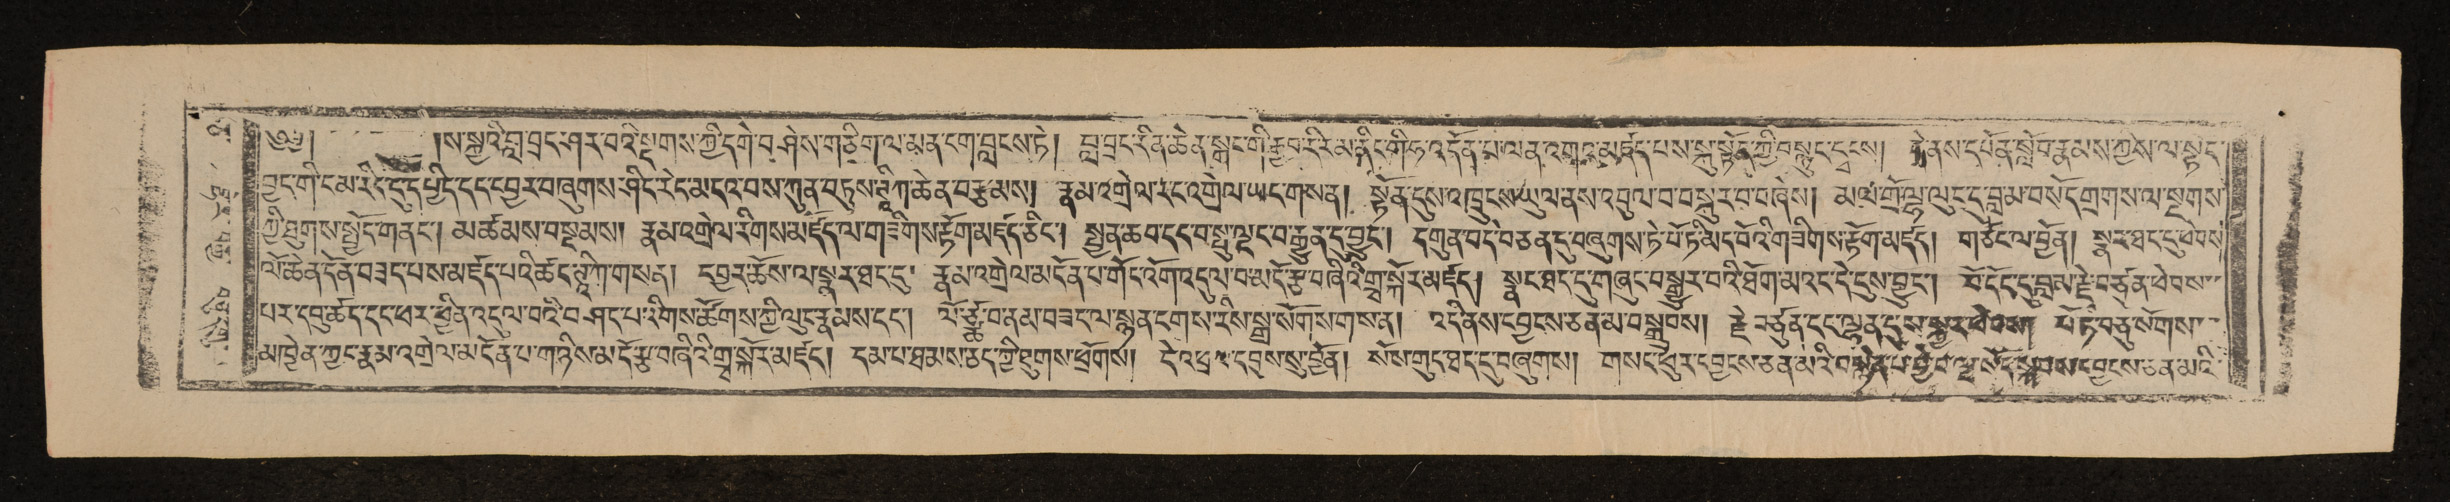༄༅། །ས་སྐྱའི་བླ་བྲང་ཤར་བའི་སྔགས་ཀྱི་དགེ་བཤེས་གཅིག་ལ་མན་ངག་བླངས་ཏེ། བླ་བྲང་རིན་ཆེན་སྒང་གི་རྒྱབ་རིར་མ་ནིང་གི་ཧ་འདོན་པ་ལན་འགའ་མཛད་པས་སྐུ་སྟོད་ཀྱི་བསྙུང་དྭངས། དེ་ནས་དཔོན་སློབ་རྣམས་ཀྱིས་ལ་སྟོད་
བྱང་གི་དམ་རིང་དུ་དཔྱིད་དང་དབྱར་བཞུགས་ཤིང་རེད་མདའ་བས་ཀུན་བཏུས་ཊཱིཀ་ཆེན་བརྩམས། རྣམ་འགྲེལ་རང་འགྲེལ་ཡང་གསན། སྟོན་དུས་འཁྲུངས་ཡུལ་ནས་འབུལ་བ་བསྐུར་བ་བཞེས། མལ་གྲོ་ལྷ་ལུང་དུ་བླ་མ་བསོད་གྲགས་ལ་སྔགས་
ཀྱི་ཐུགས་སྤྱོད་གནང་། མཚམས་བསྡམས། རྣམ་འགྲེལ་རིགས་མཛོད་ལ་གཟིགས་རྟོག་མཛོད་ཅིང་། སྤྱན་ཆབ་དང་བ་སྤུ་ལྡང་བརྒྱུན་དུ་བྱུང་། དགུན་བདེ་བ་ཅན་དུ་བཞུགས་ཏེ་བོ་ཏི་མདོ་བའི་གཟིགས་རྟོག་མཛད། གཙང་ལ་བྱོན། སྣར་ཐང་དུ་ཕེབས་
ལོ་ཆེན་དོན་བཟང་བས་མཛད་པའི་ཚད་ཊཱིཀ་གསན། དབྱར་ཆོས་ལ་སྣར་ཐང་དུ། རྣམ་འགྲེལ་མངོན་པ་གོང་འོག་འདུལ་བ་མདོ་རྩ་བཞིའི་གྲྭ་སྐོར་མཛད། སྣར་ཐང་དུ་གཞུང་བསྒྱུར་བའི་ཐོག་མའང་དེ་དུས་བྱུང་། བོ་དོང་དུ་བླ་མ་རྗེ་བཙུན་ཕེབས་
པར་དབུ་ཚད་དང་ཕར་ཕྱིན་འདུལ་བའི་བཤད་པ་རིགས་ཚོགས་ཀྱི་ལུང་རྣམས་དང་། ལོ་ཙྪ་བ་ནམ་བཟང་ལ་སྙན་ངག་ས་རིས་སྒྲ་སོགས་གསན། འདི་ནས་དབྱངས་ཅན་མ་བསྒྲུབས། རྗེ་བཙུན་དང་ལྷན་དུས་སྐྱར་ཕེབས། པོ་ཏི་བཅུ་སོགས་
མཁྱེན་ཀྱང་རྣམ་འགྲེལ་མངོན་པ་གཉིས་མདོ་རྩ་བཞིའི་གྲྭ་སྐོར་མཛད། དམ་པ་ཐམས་ཅད་ཀྱི་ཐུགས་ཕྲོགས། དེ་འཕྲལ་དབུས་སུ་བྱོན། སོས་གུང་ཐང་དུ་བཞུགས། གསང་ཕུར་དབྱངས་ཅན་མའི་བསྙེན་པ་བྱེ་བ་ལྔ་སོང་སྐབས་དབྱངས་ཅན་མའི་